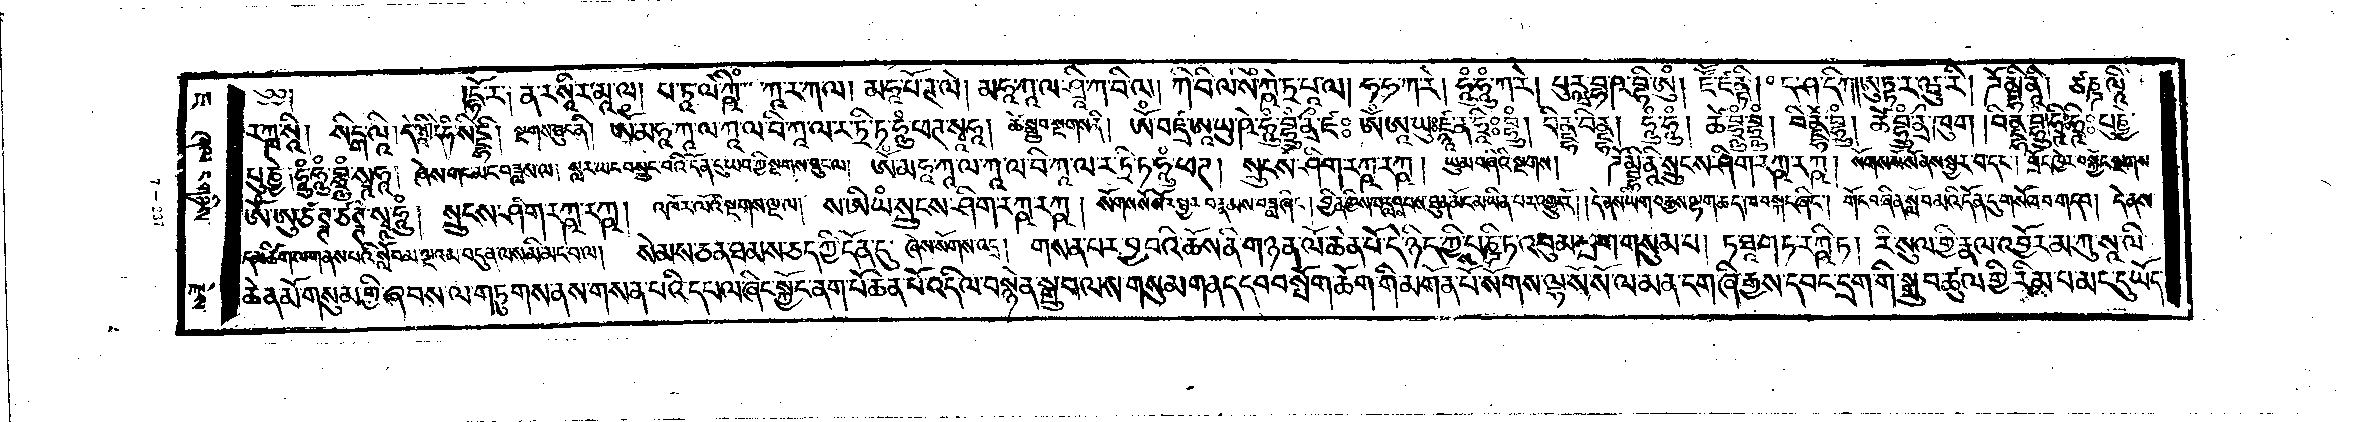༄༅། །དྷོ་ར༑ ན་ར་སཱི་ར་མཱ་ལ། པ་ཏཱ་ལེ་ཀྵིཾ་ཀཱ་ར་ཀ་ལ། མྷཱ་པོ་ཊ་ལེ། མཧཱ་ཀཱ་ལ་ཤྲཱི་ཀ་བི་ལ། ཀི་བི་ལ་སིཾ་ཀྵེ་ཏྲ་པཱ་ལ། ཧ་ཧ་ཀ་རེ། ཧཱུཾ་ཧཱུཾ་ཀ་རེ། བུར་ཝ་བྷ་ཥ་བྷི་ཨུཾ། ཛོ་ཛནྟི། བ་ད་ཤ་དིཀ། ཨུ་ཏཏ་ར་ཝུ་རི། ཌོམྦྷི་ནཱི། ཙཎྜ་ལཱི་།
རཀྑ་སཱི། སིངྒ་ལཱི། དེཝཱི། དེ་ཉི་སིངྔྷི། སྔགས་ཐུང་ནི།  ཨོཾ་མཧཱ་ཀཱ་ལ་ཀཱ་ལ་བི་ཀཱ་ལ་ར་ཏྲི་ཏ་ཧཱུཾ་ཕཊ་སྭཱཧཱ། ཚེ་སྒྲུབ་སྔགས་ནི།  ཨོཾ་བཛྲ་ཨཱ་ཡུ་ཥེ་ཧཱུཾ་བྷཱུཾ་ནྲྀ་ཛཿ ཨོཾ་ཨཱ་ཡུ་ཛྙཱ་ན་ཧྲཱིཿབྷཱུཾ། བིནྡྷ་བིནྡྷ། ཧཱུཾ་ཧཱུཾ། ཚེ་བྷྲཱུཾ་བྷྲཱུཾ། བེནྡྷེ་བྷྲུཾ། ཚེ་བྷྲུཾ་ནྲྀ་ཁུག །བིནྡྷ་བྷྲུཾ། ཧྲཱིཿཧྲཱིཿཔུཎྱེ་
པུཎྱེ་༑ཧཱུཾ་ཧཱུཾ་བྷཱུཾ་སྭཱཧཱ། ཞེས་གང་མང་བཟླས་ལ། སླར་ཡང་བསྲུང་བའི་དོན་དུ་ཡབ་ཀྱི་སྔགས་ཐུང་ལ།  ཨོཾ་མཧཱ་ཀཱ་ལ་ཀཱ་ལ་བི་ཀཱ་ལ་ར་ཏྲི་ཏ་ཧཱུཾ་ཕཊ། སྲུངས་ཤིག་རཀྵ་རཀྵ། ཡུམ་བཞིའི་སྔགས།  ཌོམྦྷི་ནཱི་སྲུངས་ཤིག་རཀྵ་རཀྵ། སོགས་སོ་སོ་ནས་སྦྱར་བ་དང་། གྲོང་ཁྱེར་བསྐྱོང་སྔགས།
ཨོཾ་ཨུ་ཙཊྚ་ཙཊྚི་སྭཱ་ཧཱུཾ། སྲུངས་ཤིག་རཀྵ་རཀྵ། འཁོར་ལོའི་སྔགས་ལྔ་ལ། ས་ཨི་ཡཾ་སྲུངས་ཤིག་རཀྵ་རཀྵ། སོགས་སོ་སོར་སྦྱར་བ་རྣམས་བཟླ་ཞིང་། བྱིན་གྱིས་བརླབས་པས་ཐུན་མོང་མ་ཡིན་པར་འགྱུར་རོ། ད།ཨེ་ནས་ཡིག་བརྒྱས་ལྷག་ཅད་ཁ་བསྐང་ཞིང་། གོང་བཞིན་སློབ་མའི་དོན་དུ་གསོལ་བ་གདབ། དེ་ནས་
དམ་ཚིག་ལ་གནས་པའི་སློབ་མ་སྔའམ་བདུན་ལས་མི་མངའ་བ་ལ། སེམས་ཅན་ཐམས་ཅད་ཀྱི་དོན་དུ་ཞེས་སོགས་འདྲ།  གསན་པར་བྱ་བའི་ཆོས་ནི་གཉན་ལོ་ཆེན་པོ་དེ་ཉིད་ཀྱིས་པཎྜི་ཏ་འབུལ་ཕྲག་གསུམ་པ། ཏ་ཐཱ་ག་ཏ་རཀྵི་ཏ། རི་སུལ་གྱི་རྣལ་འབྱོར་མ་ཀུ་སཱ་ལི་
ཆེན་མོ་གསུམ་གྱི་ཞབས་ལ་གཏུགས་ནས་གསན་པའི་དཔལ་ཞིང་སྐྱོང་ནག་པོ་ཆེན་པོ་འདི་ལ་བསྙེན་སྒྲུབ་ལས་གསུམ་གནད་དབབ་སྦོག་ཆོག་གི་མགོན་པོ་སོགས་ལྷ་སོ་སོ་ལ་མན་ངག་ཞི་རྒྱས་དབང་དྲག་གི་སྒྲུབ་ཚུལ་གྱི་རིམ་པ་མང་དུ་ཡོད་